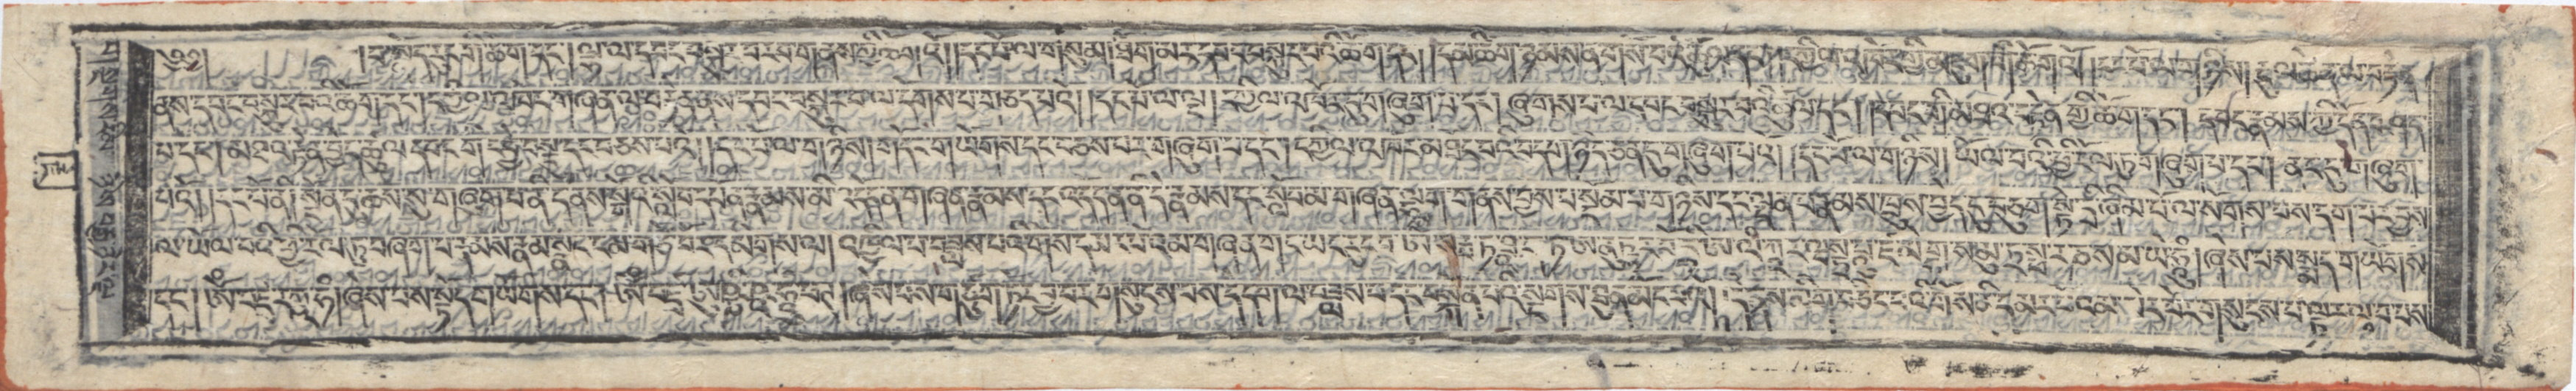༄༅། །བ་སྣོད་རུང་གི་ཆོ་ག་དང་། ལྷ་ལ་དབང་བསྐུར་བ་རབ་གནས་ཀྱི་ཆོ་གའོ། །དང་པོ་ལ་གསུམ། ཐོག་མར་དབང་བསྐུར་བའི་ཆོ་ག་དང་། །དམ་ཚིག་ཉམས་ན་གསོ་བའི་ཚུལ་དང་། །དཀྱིལ་འཁོར་གྱི་མཇུག་གི་ཆོ་གའོ། །དང་པོ་ལ་གཉིས། རྡུལ་ཚོན་ལ་བརྟེན་
ནས་དབང་བསྐུར་བའི་ཆོ་ག་དང་། དཀྱིལ་འཁོར་གཞན་ལ་བརྟེན་ནས་དབང་བསྐུར་བ་ལ་དོགས་པ་གཅད་པའོ། །དང་པོ་ལ་ལྔ། དཀྱིལ་འཁོར་དུ་གཞུག་པ་དང་། ཞུགས་པ་ལ་དབང་བསྐུར་བའི་ཚུལ་དང་། །དབང་གི་མཐའ་བརྟེན་གྱི་ཆོ་ག་དང་། དབང་རྣམས་ཀྱི་དོན་བཤད་
པ་དང་། མཐའ་རྟེན་བྱེད་ཚུལ་དབང་གི་དབྱེ་བསྡུ་དང་བཅས་པའོ། །དང་པོ་ལ་གཉིས། གདོང་གཡོགས་དང་བཅས་པར་གཞུག་པ་དང་། དཀྱིལ་འཁོར་མཐོང་བའི་བདག་ཉིད་ཅན་དུ་གཞུག་པའོ། །དང་པོ་ལ་གཉིས། ཡོལ་བའི་ཕྱི་རོལ་ཏུ་གཞུག་པ་དང་། ནང་དུ་གཞུག་
པའོ། །དང་པོ་ནི། སྔོན་དུ་ཆས་སུ་གཞུག་པ་ནི་དེ་ནས་སྒོའི་སློབ་དཔོན་རྣམས་མི་འདོད་ན་གཞན་རྣམས་དང་འདོད་ན་ནི་དེ་རྣམས་དང་སློབ་མ་གཞན་ལྷག་གནས་བྱས་པ་སྡོམ་པ་གཉིས་དང་ལྡན་པ་རྣམས་ཁྲུས་བྱེད་དུ་བཅུག་སྟེ་དྲི་ཞིམ་པོ་ལ་སོགས་པས་དག་པར་བྱས་
ལ་ཡོལ་བའི་ཕྱི་རོལ་ཏུ་བཞག་པ་རྣམས་རྣམ་སྣང་ངམ་གཙོ་བོར་དམིགས་ལ། འཁྱིལ་པ་བཟླས་པའི་གོས་དམར་པོ་འམ་གཞན་གང་ཡང་རུང་བ་ཨོཾ་སརྦ་ཏ་ཐཱ་ག་ཏ་ཨ་ནུཏྟར་བོ་དྷི་ཨ་ལཾ་ཀཱ་ར་ཝསྟྲ་པཱུ་ཛ་མེ་གྷ་ས་མུ་ཏྲ་སྥ་ར་ཎ་ས་མ་ཡེ་ཧཱུཾ། ཞེས་པས་སྨད་གཡོགས་
དང་། ཨོཾ་བཛྲ་རཀྵ་ཧཾ། ཞེས་པས་སྟོད་གཡོགས་དང་། ཨོཾ་བཛྲ་ཨུཥྞི་ཥཱ་ཧཱུཾ་ཕཊ། ཞེས་པས་གཙུག་ཏོར་བྱ་བར་གསུངས་པས་དེ་དག་ལ་བཟླས་པ་དང་བསྐོན་པའི་སྔགས་ཐུན་མོང་བའོ། །དེ་ནས་མིག་བཅིང་བའི་གོས་ནི་དམར་པོའམ་སེར་པོར་གསུངས་པ་ལྟར་ལྭ་བ་པས་